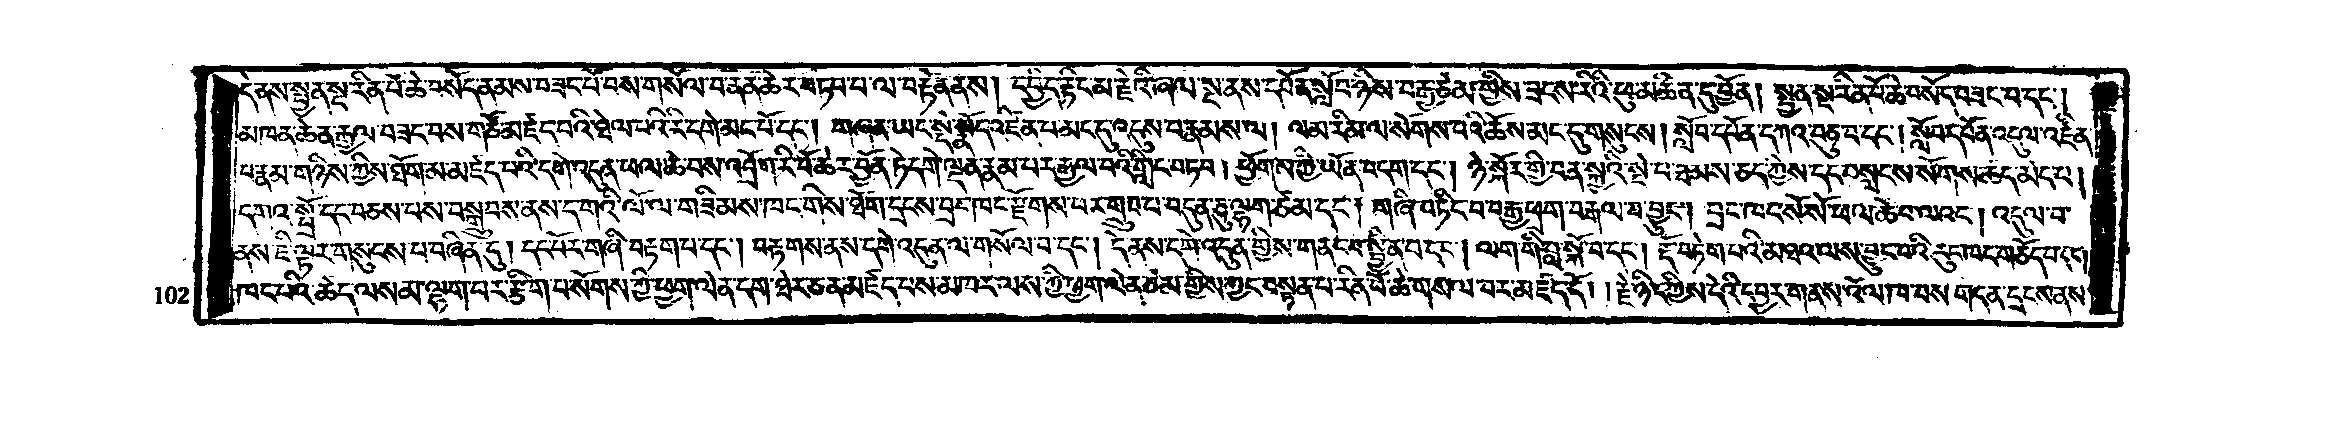དེ་ནས་སྤྱན་སྔ་རིན་པོ་ཆེ་བསོད་ནམས་བཟང་པོ་བས་གསོལ་བ་ནན་ཆེར་བཏབ་པ་ལ་བརྟེན་ནས། དཔྱིད་རྟིང་མ་རྗེའི་ཞལ་སྔ་ནས་དཔོན་སློབ་ཉིས་བརྒྱ་ཙམ་གྱིས་ཟངས་རིའི་ཕུ་མཆིན་དུ་བྱོན། སྤྱན་སྔ་རིན་པོ་ཆེ་བསོད་བཟང་བ་དང་།
མཁན་ཆེན་རྒྱལ་བཟང་བས་གཙོ་མཛད་པའི་ཐེལ་པའི་རི་དགེ་མང་པོ་དང་། གཞན་ཡང་སྡེ་སྣོད་འཛིན་པ་མང་དུ་འདུས་པ་རྣམས་ལ། ལམ་རིམ་ལ་སོགས་པའི་ཆོས་མང་དུ་གསུངས། སློབ་དཔོན་དཀའ་བཅུ་པ་དང་། སློབ་དཔོན་འདུལ་འཛིན་
པ་རྣམ་གཉིས་ཀྱིས་ཐོག་མ་མཛད་པའི་དགེ་འདུན་ཕལ་ཆེ་བས་འབྲོག་རི་བོ་ཆེར་བྱོན་ཏེ་དགེ་ལྡན་རྣམ་པར་རྒྱལ་བའི་གླིང་བཏབ། ཕྱོགས་ཀྱི་ཡོན་བདག་དང་། ཉེ་སྐོར་གྱི་བན་སྐྱའི་སྡེ་པ་ཐམས་ཅད་ཀྱིས་དང་བསླངས་སོགས་ཚད་མེད་པ།
དགའ་སྤྲོ་དང་བཅས་པས་བསྒྲུབས་ནས་ད་གའི་ལོ་ལ་གཟིམས་ཁང་གིས་ཐོག་དྲངས་བྲང་ཁང་རྫོགས་པར་གྲུབ་པ་བདུན་ཅུ་ལྷག་ཙམ་དང་། གཞི་བཏིང་བ་བརྒྱ་ཕྲག་བརྒལ་བ་བྱུང་། བྲང་ཁང་སོ་སོ་ཕལ་ཆེ་བ་ལའང་། འདུལ་བ་
ནས་ཇི་ལྟར་གསུངས་པ་བཞིན་དུ། དང་པོར་གཞི་བརྟག་པ་དང་། བརྟགས་ནས་དགེ་འདུན་ལ་གསོལ་བ་དང་། དེ་ནས་དགེ་འདུན་གྱིས་གནང་བ་སྦྱིན་པ་དང་། ལག་གི་བླ་སྐོ་བ་དང་། རྡོ་བཏེག་པའི་མཐའ་ལས་བྱུང་བའི་རུང་ཁང་གཅོད་པ་དང་།
ཁང་པའི་ཚད་ལས་མ་ལྷག་པར་རྩིག་པ་སོགས་ཀྱི་ཕྱག་ལེན་དག་ཐེར་ཅན་མཛད་པས་མཁར་ལས་ཀྱི་ཕྱག་ལེན་ཙམ་གྱིས་ཀྱང་བསྟན་པ་རིན་པོ་ཆེ་གསལ་བར་མཛད་དོ། །རྗེ་ཉིད་ཀྱིས་དེའི་དབྱར་གནས་འོལ་ཁ་བས་གདན་དྲངས་ནས་